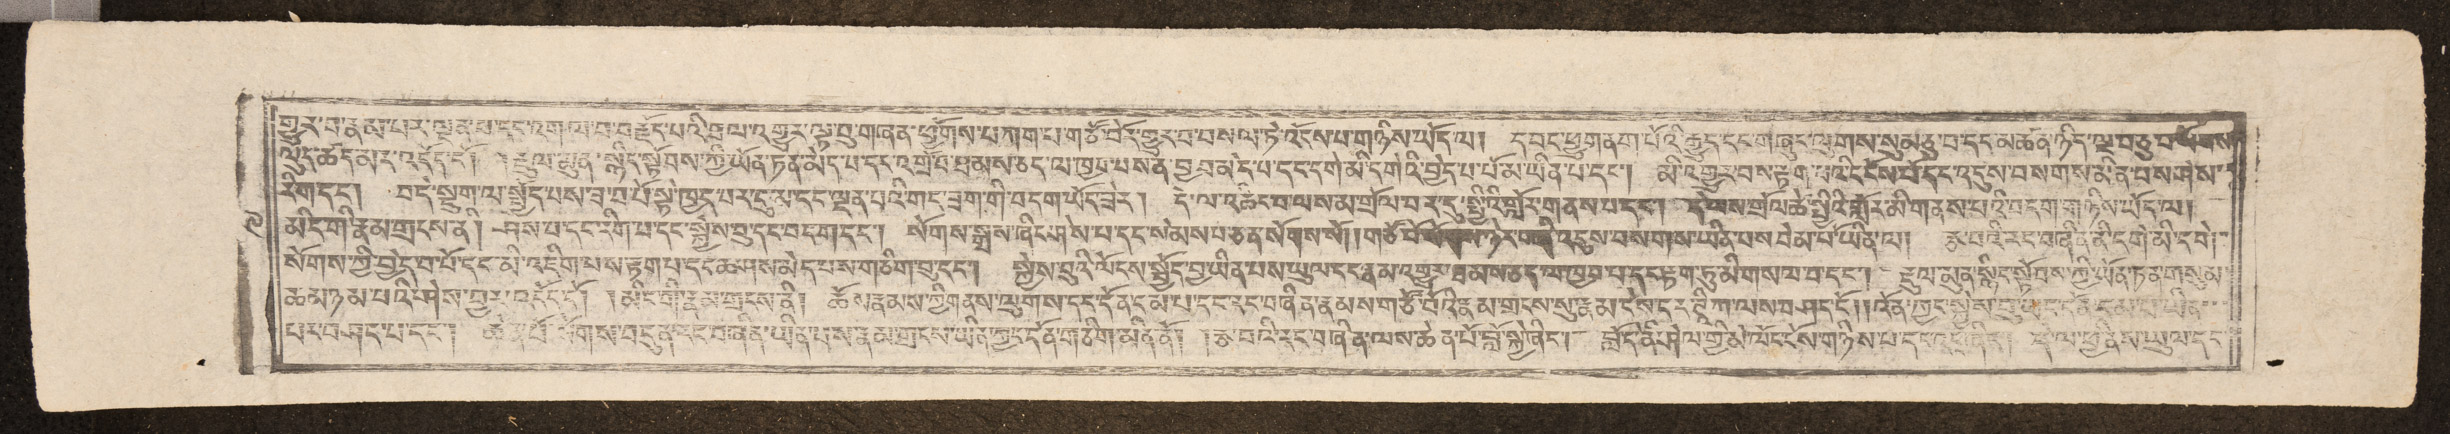གྱུར་བ་རྣམ་པར་ལྡན་པ་དང་འགལ་བ་བརྗོད་པའི་ཐལ་འགྱུར་ལྟ་བུ་གཞན་ཕྱོགས་བཀག་པ་གཙོ་བོར་གྱུར་བ་བསལ་ཏེ་འོངས་པ་གཉིས་ཡོད་ལ། དབང་ཕྱུག་ནག་པོའི་རྒྱུད་དང་གཞུང་ལུགས་སུམ་ཅུ་བ་དང་མཚན་ཉིད་ལྔ་བཅུ་པ་སོགས་
ལུད་ཚད་མར་འདོད་དོ། །རྡུལ་མུན་སྙིང་སྟོབས་ཀྱི་ཡོན་ཏན་མེད་པ་དང་འགྲོ་བ་ཐམས་ཅད་ལ་ཁྱབ་པས་ན་བྱ་བ་མེད་པ་དང་དགེ་མི་དགེའི་བྱེད་པ་པོ་མ་ཡིན་པ་དང་། མི་འགྱུར་བས་རྟག་པའི་དངོས་པོ་དང་འདུས་བསགས་མིན་པས་ཤེས་
རིག་དང་། བདེ་སྡུག་ལ་སྤྱོད་པས་ཟ་བ་པོ་སྟེ་ཁྱད་པར་དུ་མ་དང་ལྡན་པའི་གང་ཟག་གི་བདག་ཡོད་ཟེར། དེ་ལ་འཆིང་བ་ལས་མ་གྲོལ་བར་དུ་སྤྱིའི་གློར་གནས་པ་དང་། དེ་ལས་གྲོལ་ཚེ་སྤྱིའི་གློར་མི་གནས་པའི་བདག་གཉིས་ཡོད་ལ།
མིང་གི་རྣམ་གྲངས་ནི། ཤེས་པ་དང་རིག་པ་དང་སྐྱེས་བུ་དང་བདག་དང་། སོགས་སྒྲས་ཞིང་ཤེས་པ་དང་སེམས་པ་ཅན་སོགས་སོ། །གཙོ་བོ་སོགས་ཉེར་བཞི་འདུས་བསགས་ཡིན་པས་བེམ་པོ་ཡིན་ལ། རྩ་བའི་རང་བཞིན་ནི་དགེ་མི་དགེ་
སོགས་ཀྱི་བྱེད་པ་པོ་དང་མི་འཇིག་པས་རྟག་པ་དང་ཆ་ཤས་མེད་པས་གཅིག་བུ་དང་། སྐྱེས་བུའི་ལོངས་སྤྱོད་བྱ་ཡིན་པས་ཡུལ་དང་རྣམ་འགྱུར་ཐམས་ཅད་ལ་ཁྱབ་པ་དང་རྟག་ཏུ་མི་གསལ་པ་དང་། རྡུལ་མུན་སྙིང་སྟོབས་ཀྱི་ཡོན་ཏན་གསུམ་
ཆ་མཉམ་པའི་ཤེས་བྱར་འདོད་དོ། །མིང་གི་རྣམ་གྲངས་ནི། ཆོས་རྣམས་ཀྱི་གནས་ལུགས་དང་དོན་དམ་པ་དང་རང་བཞིན་རྣམས་གཙོ་བོའི་རྣམ་གྲངས་སུ་རྣམ་ངེས་དར་ཊཱི་ཀ་ལས་བཤད་དོ། །འོན་ཀྱང་སྐྱེས་བུ་ཡང་དོན་དམ་པ་ཡིན་
པར་བཤད་པ་དང་། ཆེན་པོ་སོགས་བདུན་རང་བཞིན་ཡིན་པས་རྣམ་གྲངས་ཡིན་ཀྱང་དོན་གཅིག་མིན་ནོ། །རྩ་བའི་རང་བཞིན་ལས་ཆེན་པོ་བློ་སྐྱེ་ཞིང་། བློ་དེ་ནི་ཤེལ་གྱི་མེ་ལོང་ངོས་གཉིས་པ་དང་འདྲ་ཞིང་། དེ་ལ་ཕྱི་ནས་ཡུལ་དང་